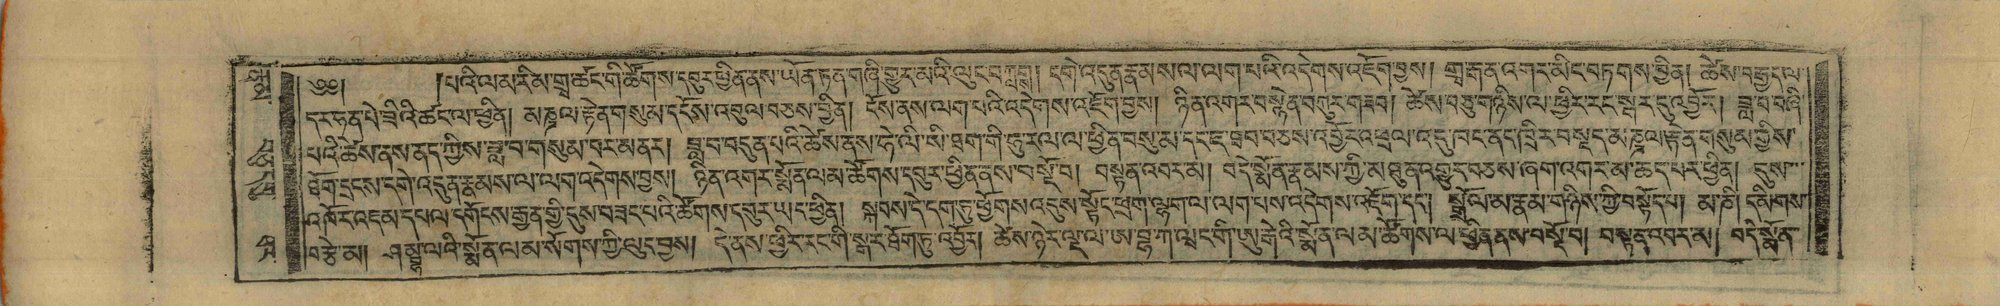༄༅། །པའི་ལམ་རིམ་གྲྭ་ཚང་གི་ཚོགས་དབུར་ཕྱིན་ནས་ཡོན་ཏན་གཞི་གྱུར་མའི་ལུང་བཀླགས། དགེ་འདུན་རྣམས་ལ་ལག་པའི་འདེགས་འཇོག་བྱས། གྲྭ་རྒན་འགར་མིང་བཏགས་བྱིན། ཚེས་བརྒྱད་ལ་
དར་ཧན་པེ་ཟིའི་ཚང་ལ་ཕྱིན། མཎྜལ་རྟེན་གསུམ་དངོས་འབུལ་བཅས་བྱིན། ངོས་ནས་ལག་པའི་འདེགས་འཇོག་བྱས། ཉིན་འགར་བསྙེན་བཀུར་གཟབ། ཚེས་བཅུ་གཉིས་ལ་ཕྱིར་རང་སྒར་དུ་འབྱོར། ཟླ་བ་བཞི་
པའི་ཚེས་ནས་ནད་ཀྱིས་ཟླ་བ་གསུམ་བར་མནར། ཟླ་བ་བདུན་པའི་ཚེས་ནས་ཧེ་ལི་སི་ཐག་གི་ཧུ་རལ་ལ་ཕྱིན་བསུ་མ་དང་ཇ་ཐབ་བཅས་འབྱོར་འཕྲལ་འདུ་ཁང་ནང་ཁྲིར་བསྡད་མཎྜལ་རྟེན་གསུམ་གྱིས་
ཐོག་དྲངས་དགེ་འདུན་རྣམས་ལ་ལག་འདེགས་བྱས། ཉིན་འགར་སྨོན་ལམ་ཚོགས་དབུར་ཕྱིན་ནས་བསྔོ་བ། བསྟན་འབར་མ། བདེ་སྨོན་རྣམས་ཀྱི་མཐུན་འགྱུར་བཅས་ཞག་འགར་མ་ཆད་པར་ཕྱིན། དུས་
འཁོར་འཇམ་དཔལ་དགོངས་རྒྱན་གྱི་དུས་བཟང་པའི་ཚོགས་དབུར་ཡང་ཕྱིན། སྐབས་དེ་དག་ཏུ་ཕྱོགས་འདུས་སྟོང་ཕྲག་ལྷག་ལ་ལག་པས་འདེགས་འཇོག་དང་། སྒྲོལ་མ་རྣམ་གཉིས་ཀྱི་བསྟོད་པ། མ་ཎི། དམིགས་
བརྩེ་མ། ཤམྦྷ་ལའི་སྨོན་ལམ་སོགས་ཀྱི་ལུང་བྱས། དེ་ནས་ཕྱིར་རང་གི་སྒར་ཐོག་ཏུ་འབྱོར། ཚེས་ཉེར་ལྔ་ལ་ཨ་བྷ་ཀ་ཝང་གི་ཨུ་རྒེའི་སྨོན་ལམ་ཚོགས་ལ་ཕྱིན་ནས་བསྔོ་བ། བསྟན་འབར་མ། བདེ་སྨོན་